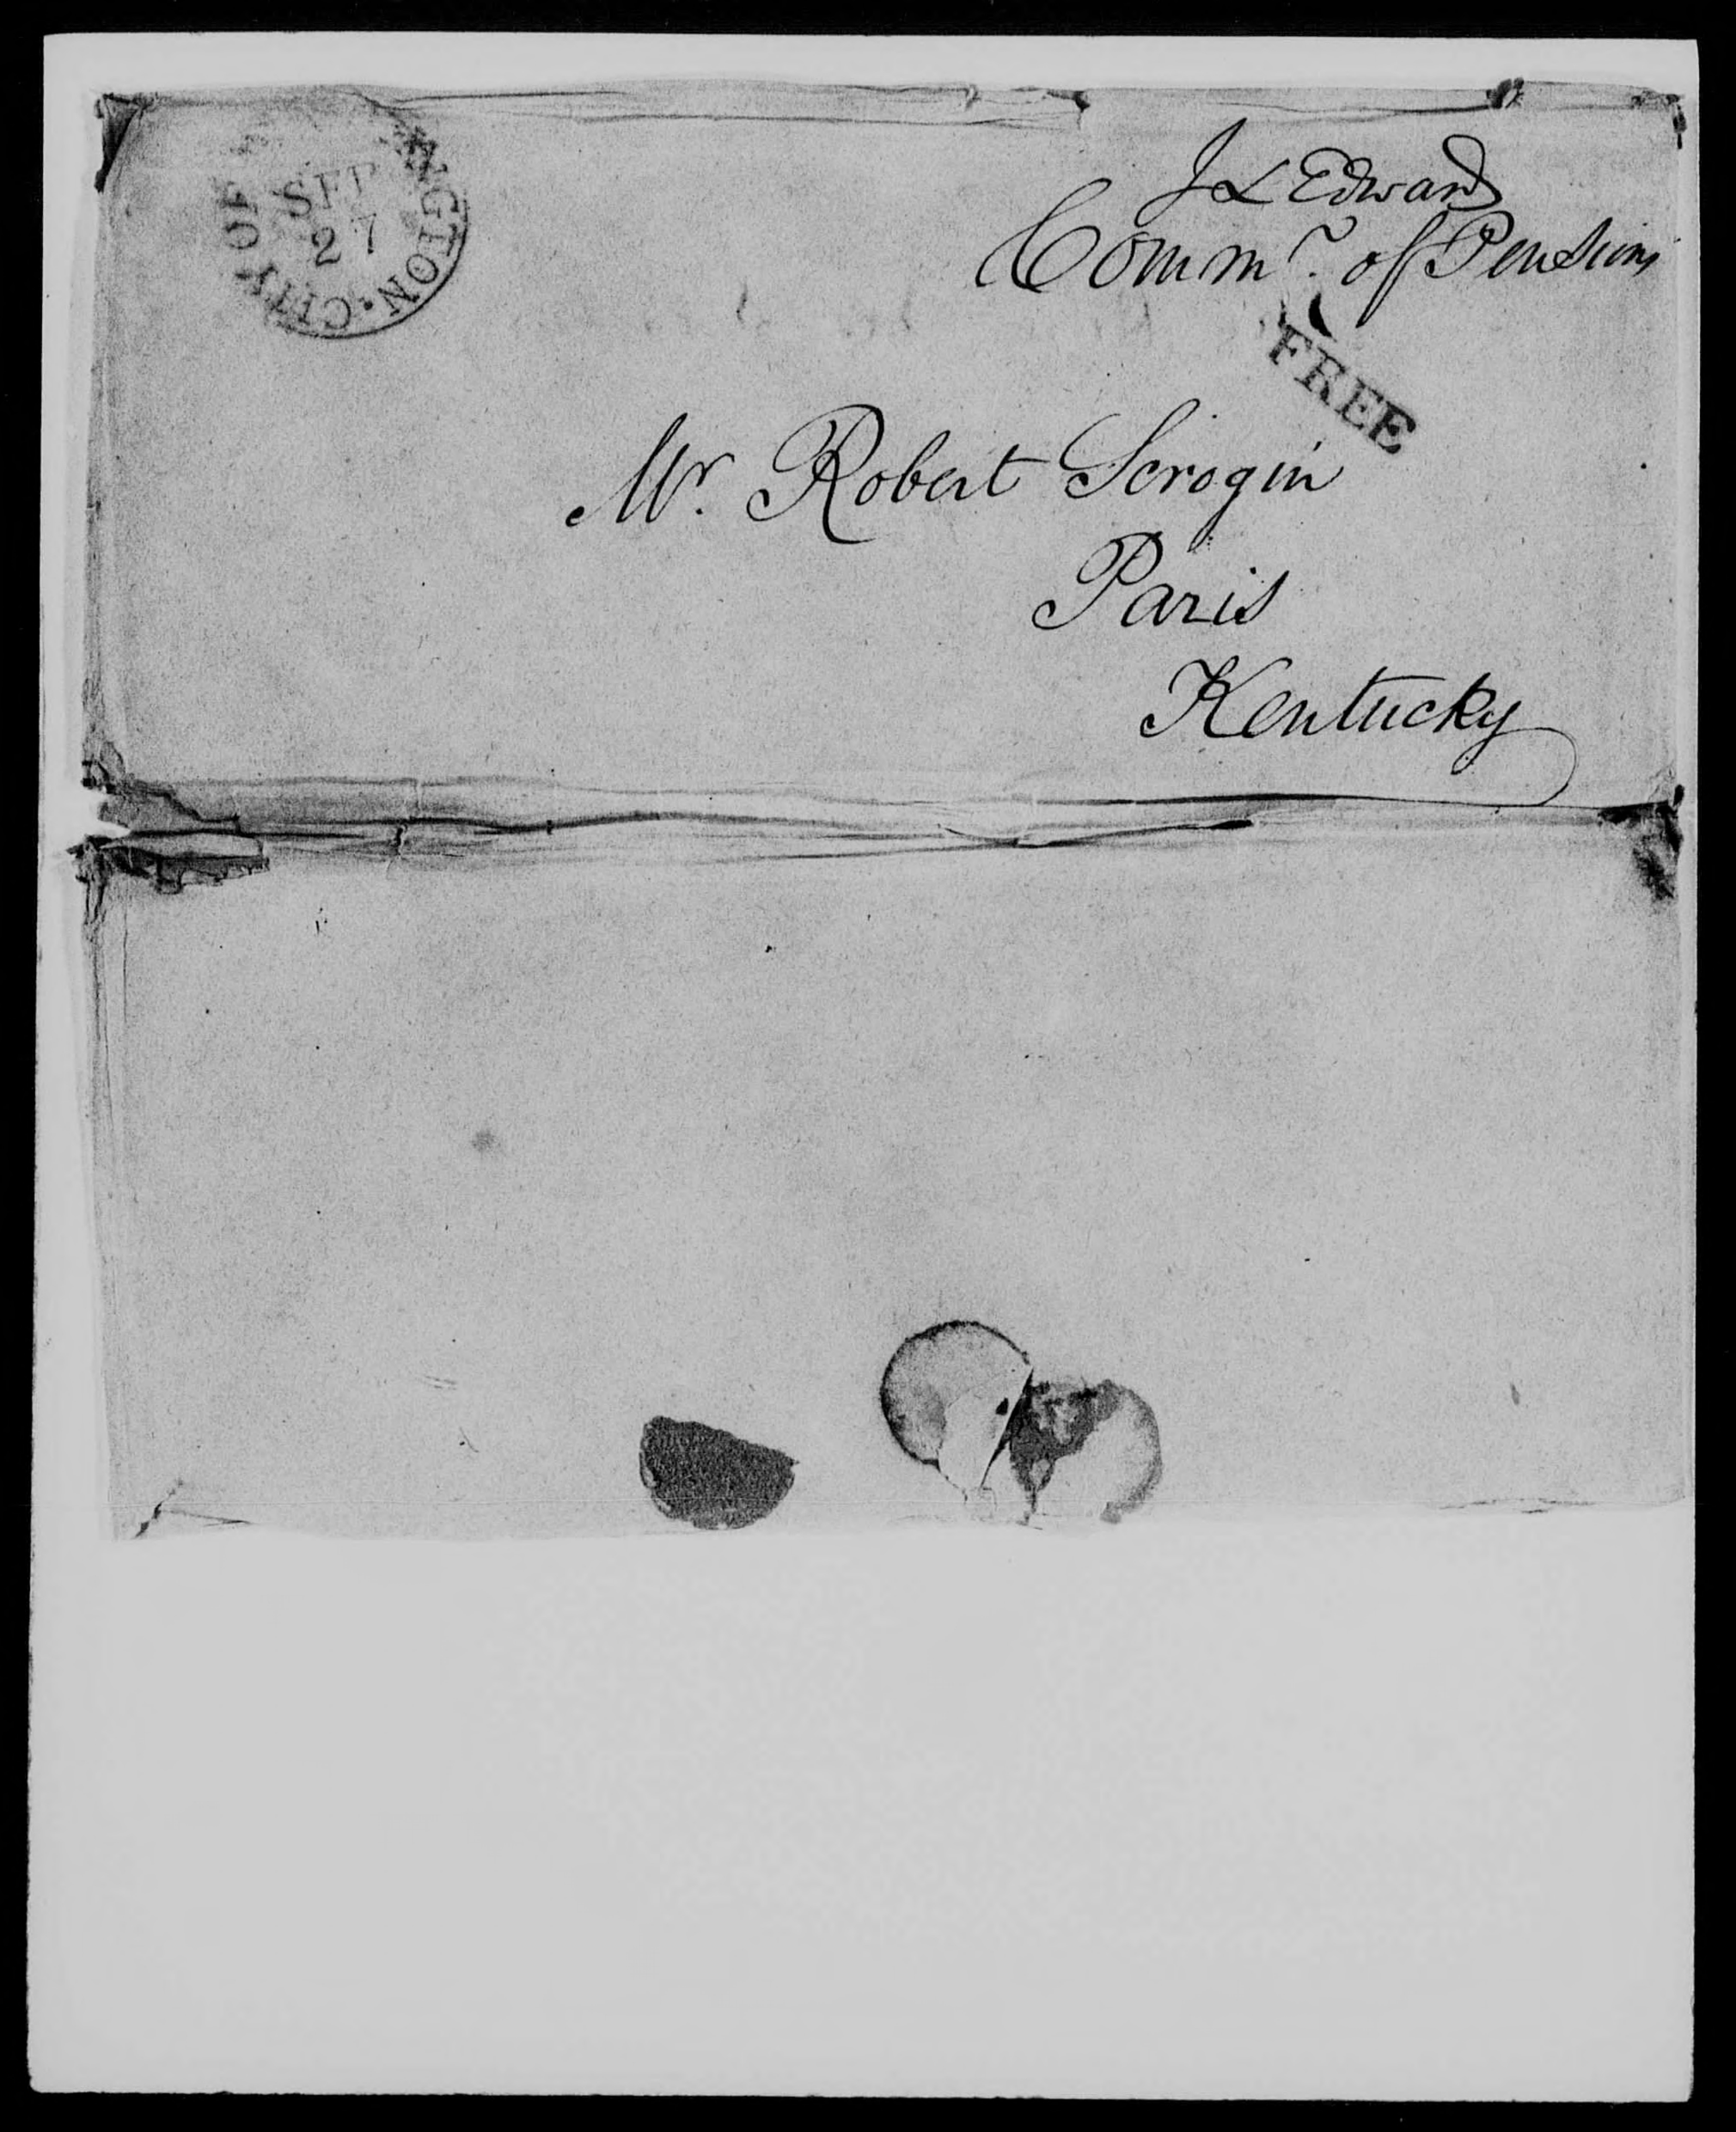[postage stamp]CITY OF NGTON [city illegible] [most likely Lexington ] SEP 27

J L Edwards
Commr of Pensions

FREE [stamped]

Mr Robert Scrogin
Paris
Kentucky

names: Robert Scrogin, J L Edwards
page: 32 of 84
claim: widow's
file: W. 7744, Daniel Hickey, Penn.